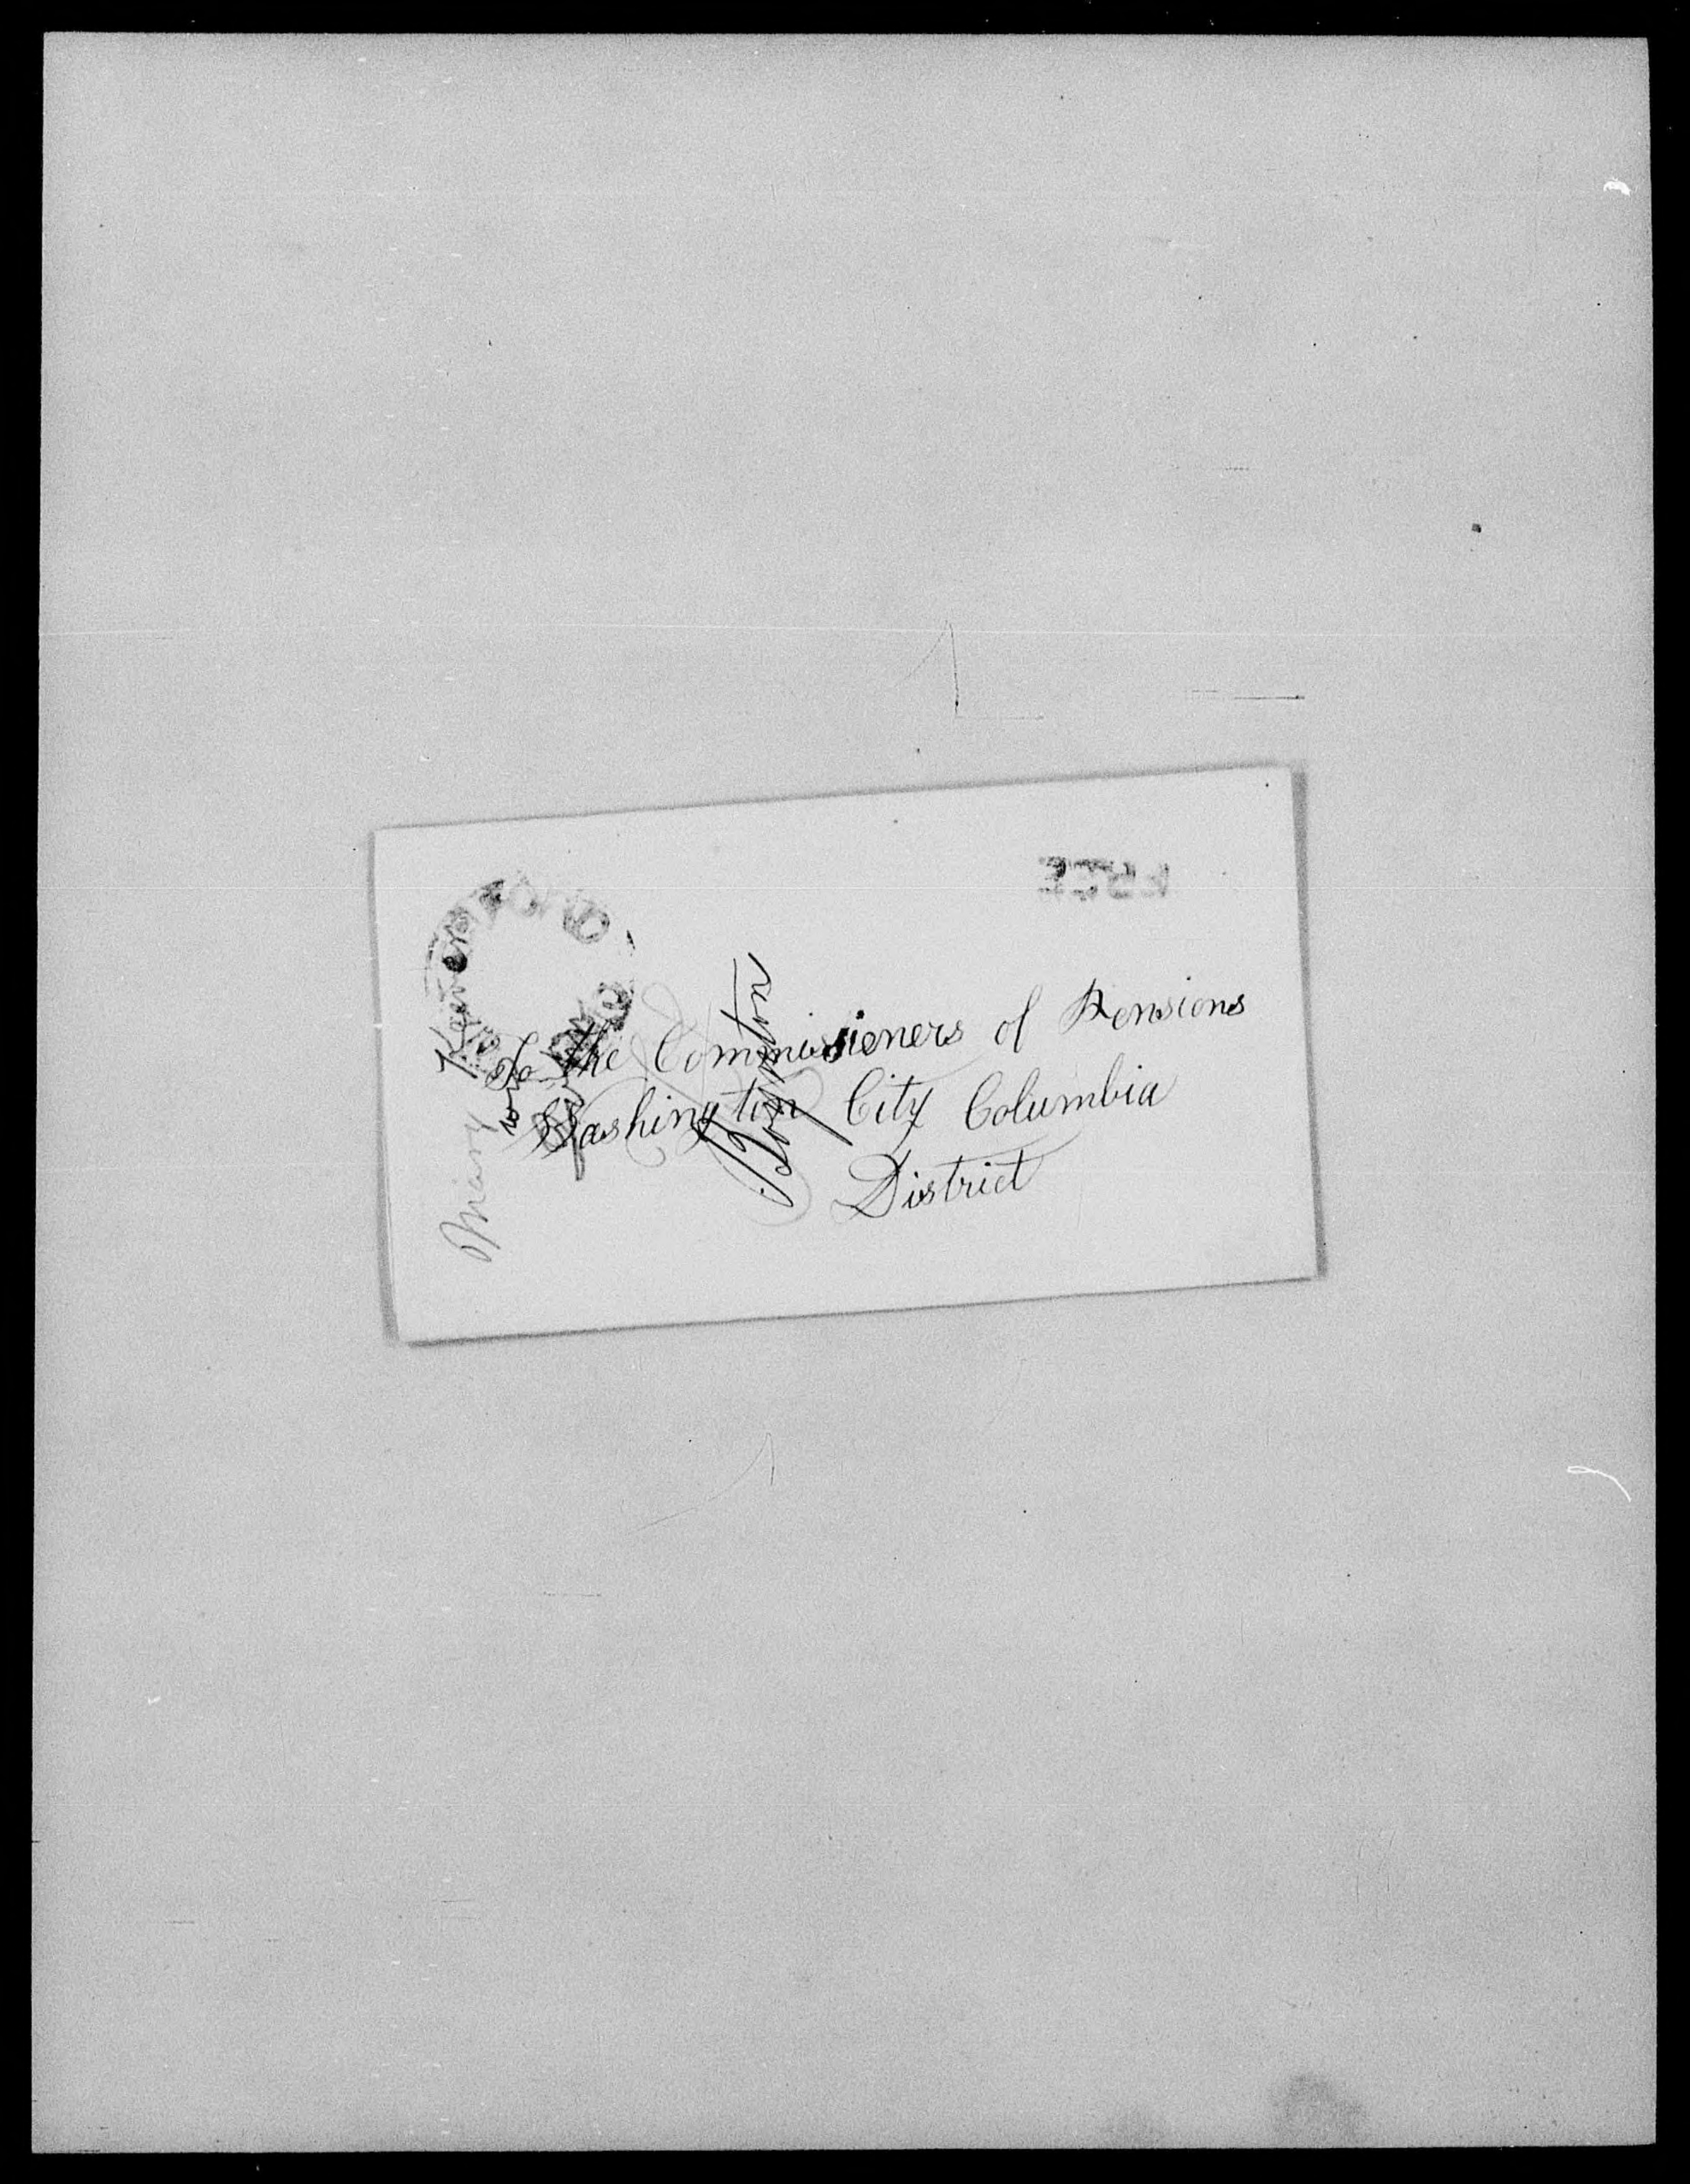FREE

To The Commissioner of Pensions
Washington City
District Columbia

Mary Keever
wid
John


Waterford Ohio STAMP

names: Mary Keever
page: 17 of 33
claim: rejected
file: R. 5814, for John Keever, Maryland